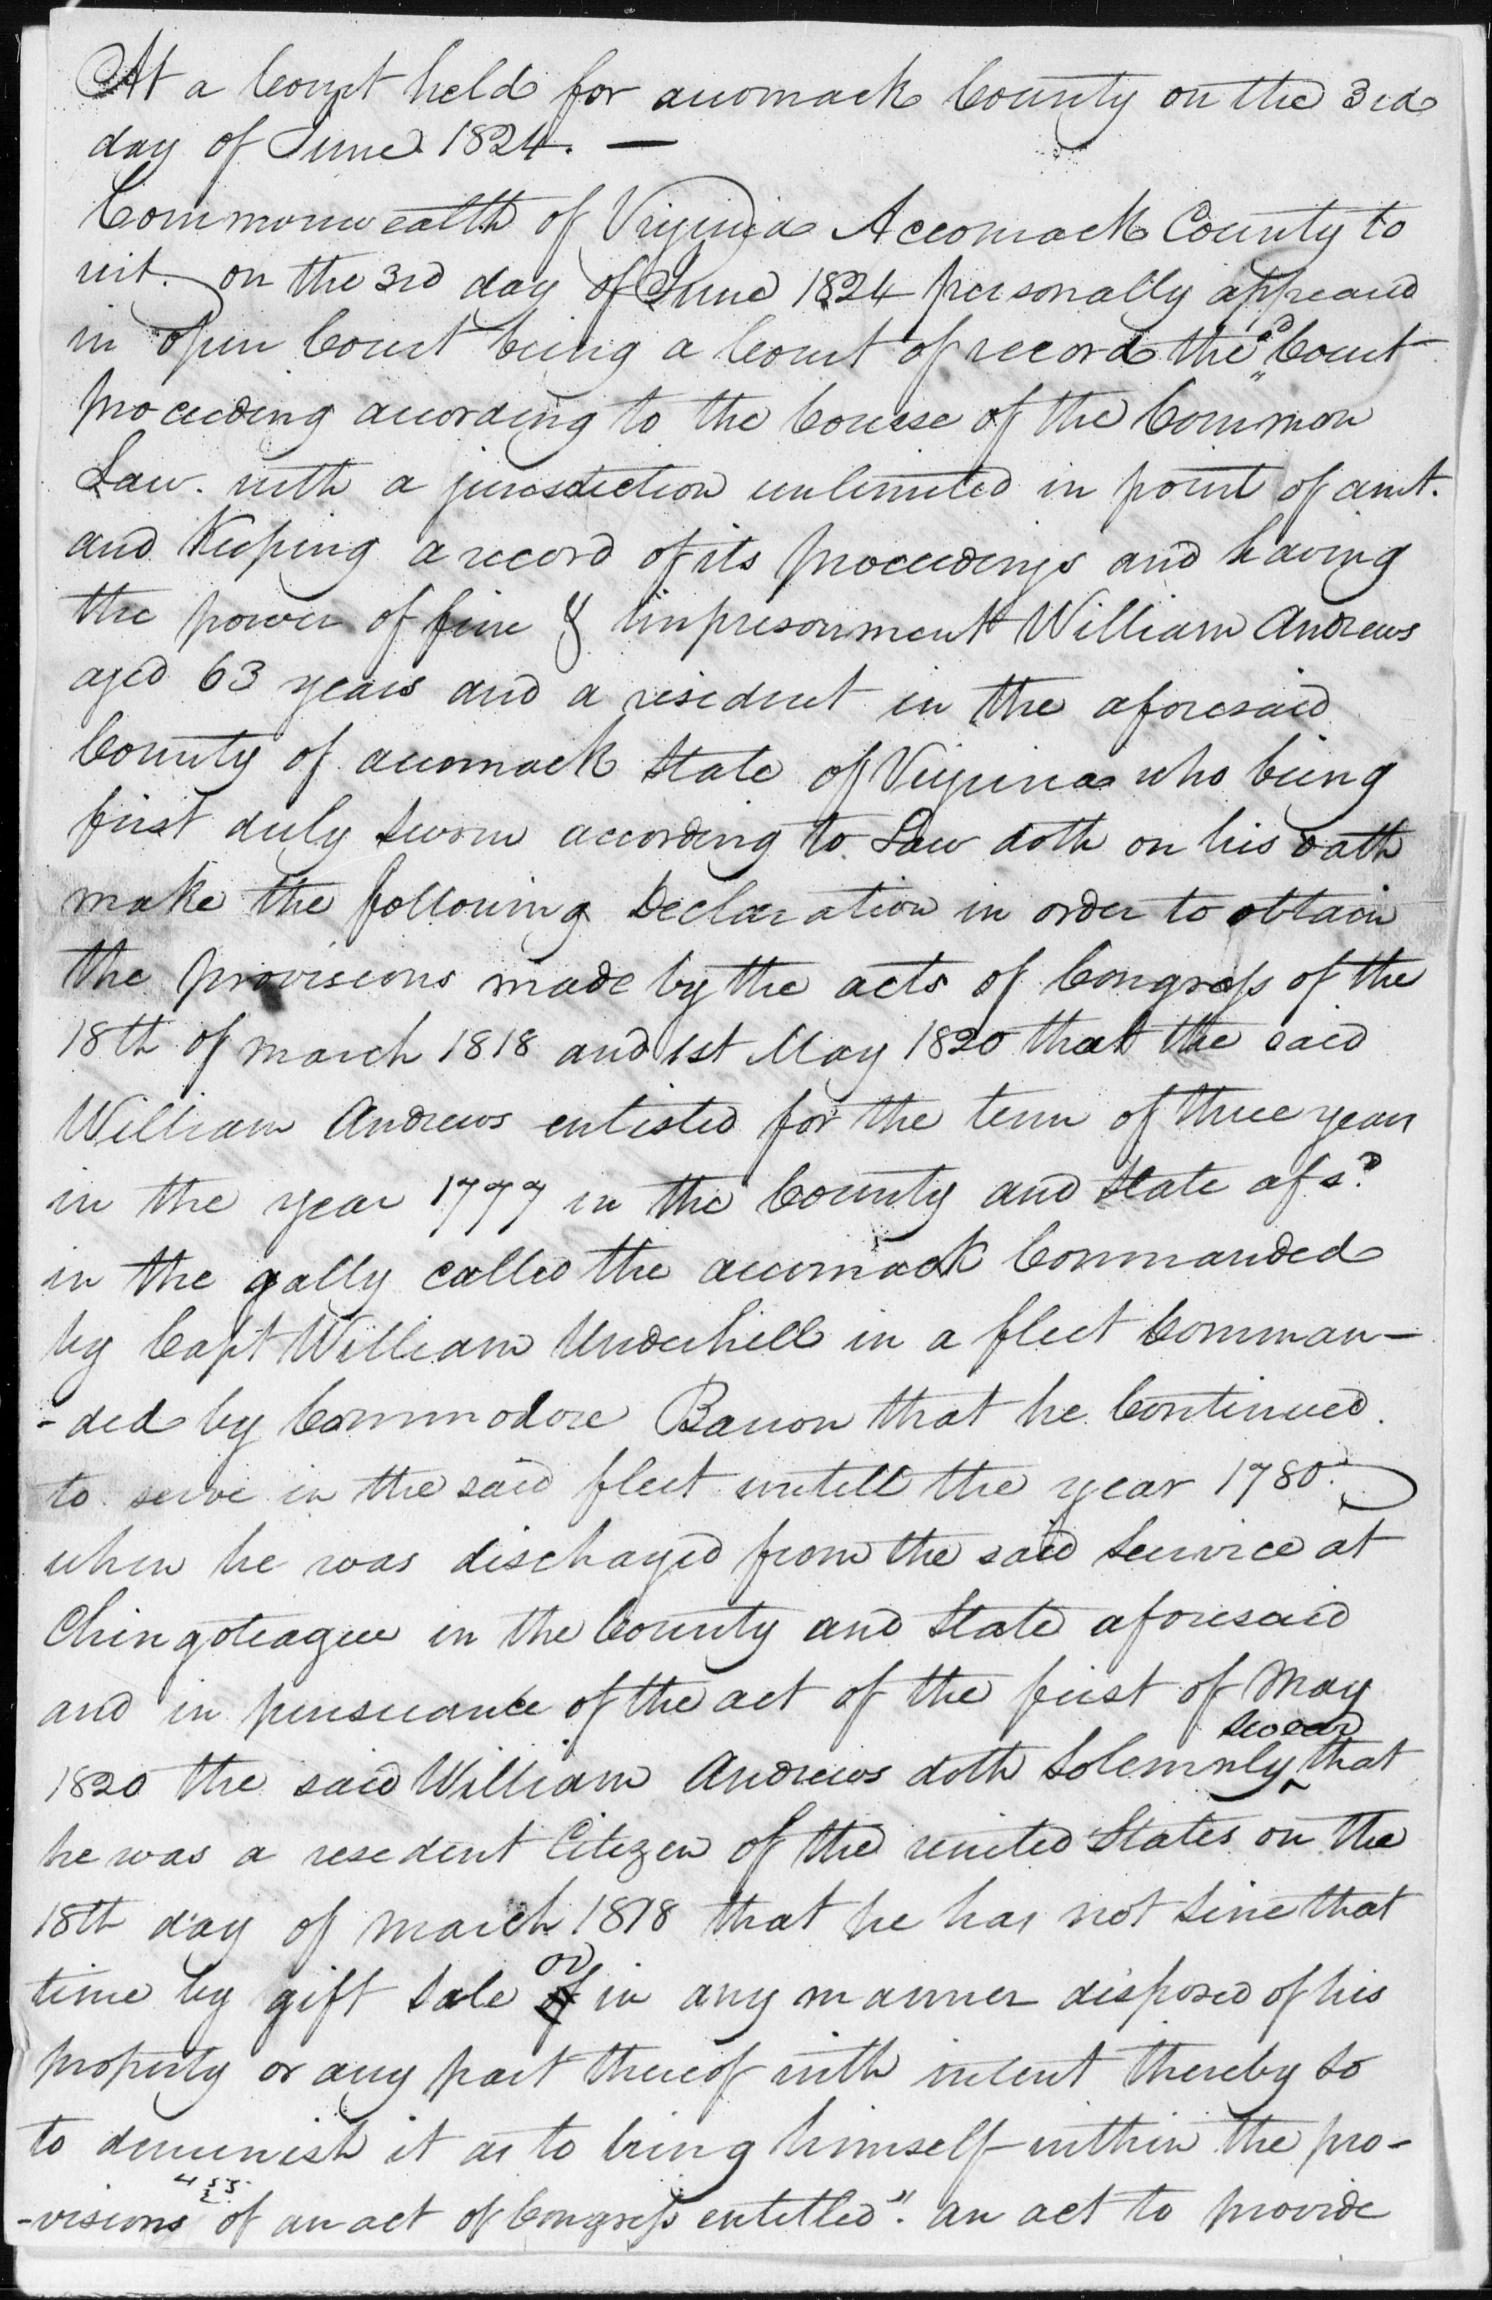At a Court held for Accomack County on the 3rd day of June 1824.
Commonwealth of Virginia Accomack County to wit on the 3rd day of June 1824 personally appeared in open Court being a Court of record the Court proceeding according to the Course of the Common Law with a jurisdiction unlimited in part of amt. and keeping a record of its proceedings and having the power of fine & imprisonment William Andrews aged 63 years and a resident in the aforesaid County of Accomack State of Virginia who being first duly sworn according to Law doth on his oath make the following declaration in order to obtain the provisions made by the acts of Congress of the 18th of March 1818 and 1st May 1820 that the said William Andrews enlisted for the term of three years in the year 1777 in the County and State aforesaid in the gally called the Accomack commanded by Capt. William Underhill in a fleet Commanded by Commander Bowen that he continued to serve in this said fleet until the year 1780 when he was discharged from the said service at Chincoteague on the County and State aforesaid and in presence of the act of the first of May 1820 the said William Andrews doth Solemnly declare that he was a resident Citizen of the United States on the 18th day of March 1878 that he has not denied that time by gift sale or in any manner disposed of his property or any part thereof with intent thereby so to diminish it or to bring himself within the provisions of an act of Congress entitled "An Act to provide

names: William Andrews, William Underhill, William Andrews, William Andrews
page: 3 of 6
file: [BLANK], William Andrews, Va. Sea Service